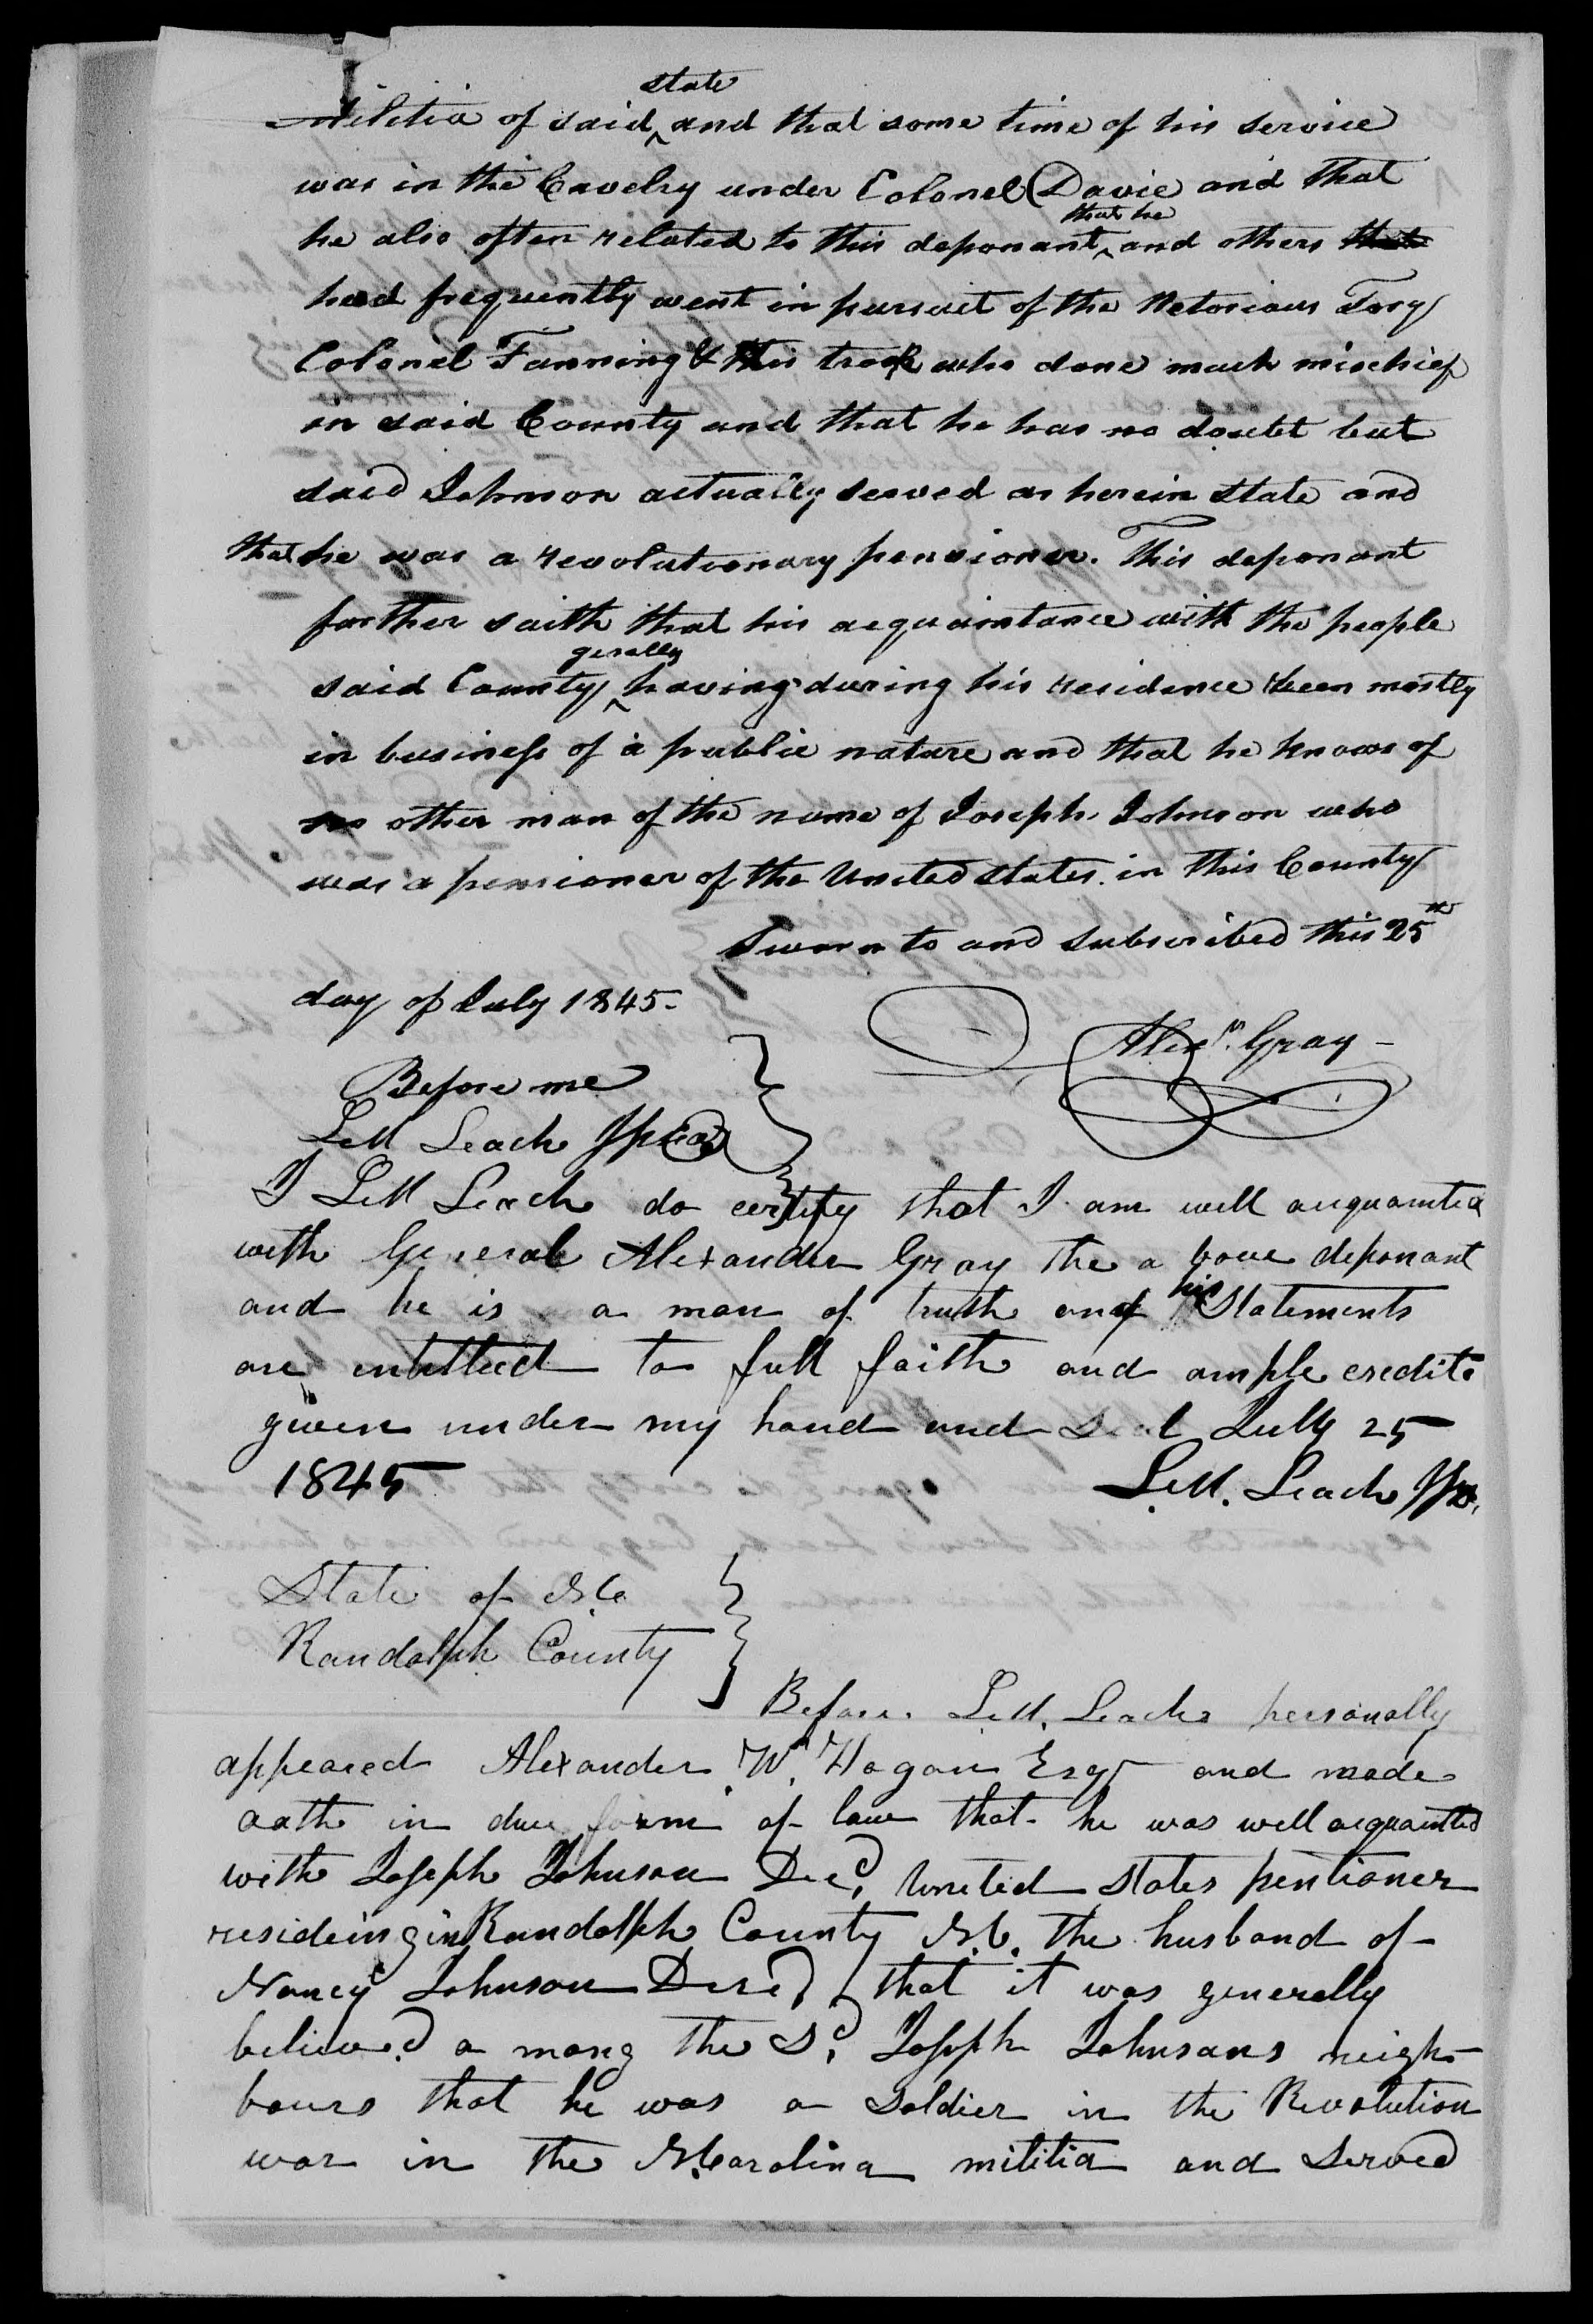militia of said State and that some time of his service was in the Cavelry [Calvary] under Colonel Davie and that that he also often related to this deponent that he and others had frequently went in pursuit of the Notorious Tory Colonel Fanning & his troop had done much mischief in said County and that he has no doubt but said Johnson actually served as herein State and that he was a revolutionary pensioner. This deponent further saith that his acquaintance with the people said County generally having during his residence there mostly in business of a public nature and that he knows of no other man of the name of Joseph Johnson who was a pensioner of the United States in this County. 
Sworn to and Subscribed this 25th 
day of July 1845.} [signed] Alex Gray
Before me}
Lew Leach J Peace}

I Lew Leach do certify that I am well acquainted with General Alexander Gray the above deponent and he is a man of truth and his statements are entitled to full faith and ample credit.
Given under my hand and Seal July 25 1845
Lew Leach J Peace

State of N. C.} 
Randolph County}
Before Lell. Leach personally appeared Alexander W. Hogan Esq and made oath in due form of law that he was well acquainted with Joseph Johnson Decd [deceased] United States pentioner [pensioner] residing in Randolph County N. C. the husband of Nancy Johnson decd [deceased] that it was generally believed among the Sd [said] Joseph Johnsons neighbours [neighbors] that he was a soldier in the Revolution war in the N. Carolina militia and served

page: 39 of 41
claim: widow's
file: W. 5033, for Joseph Johnston, North Carolina